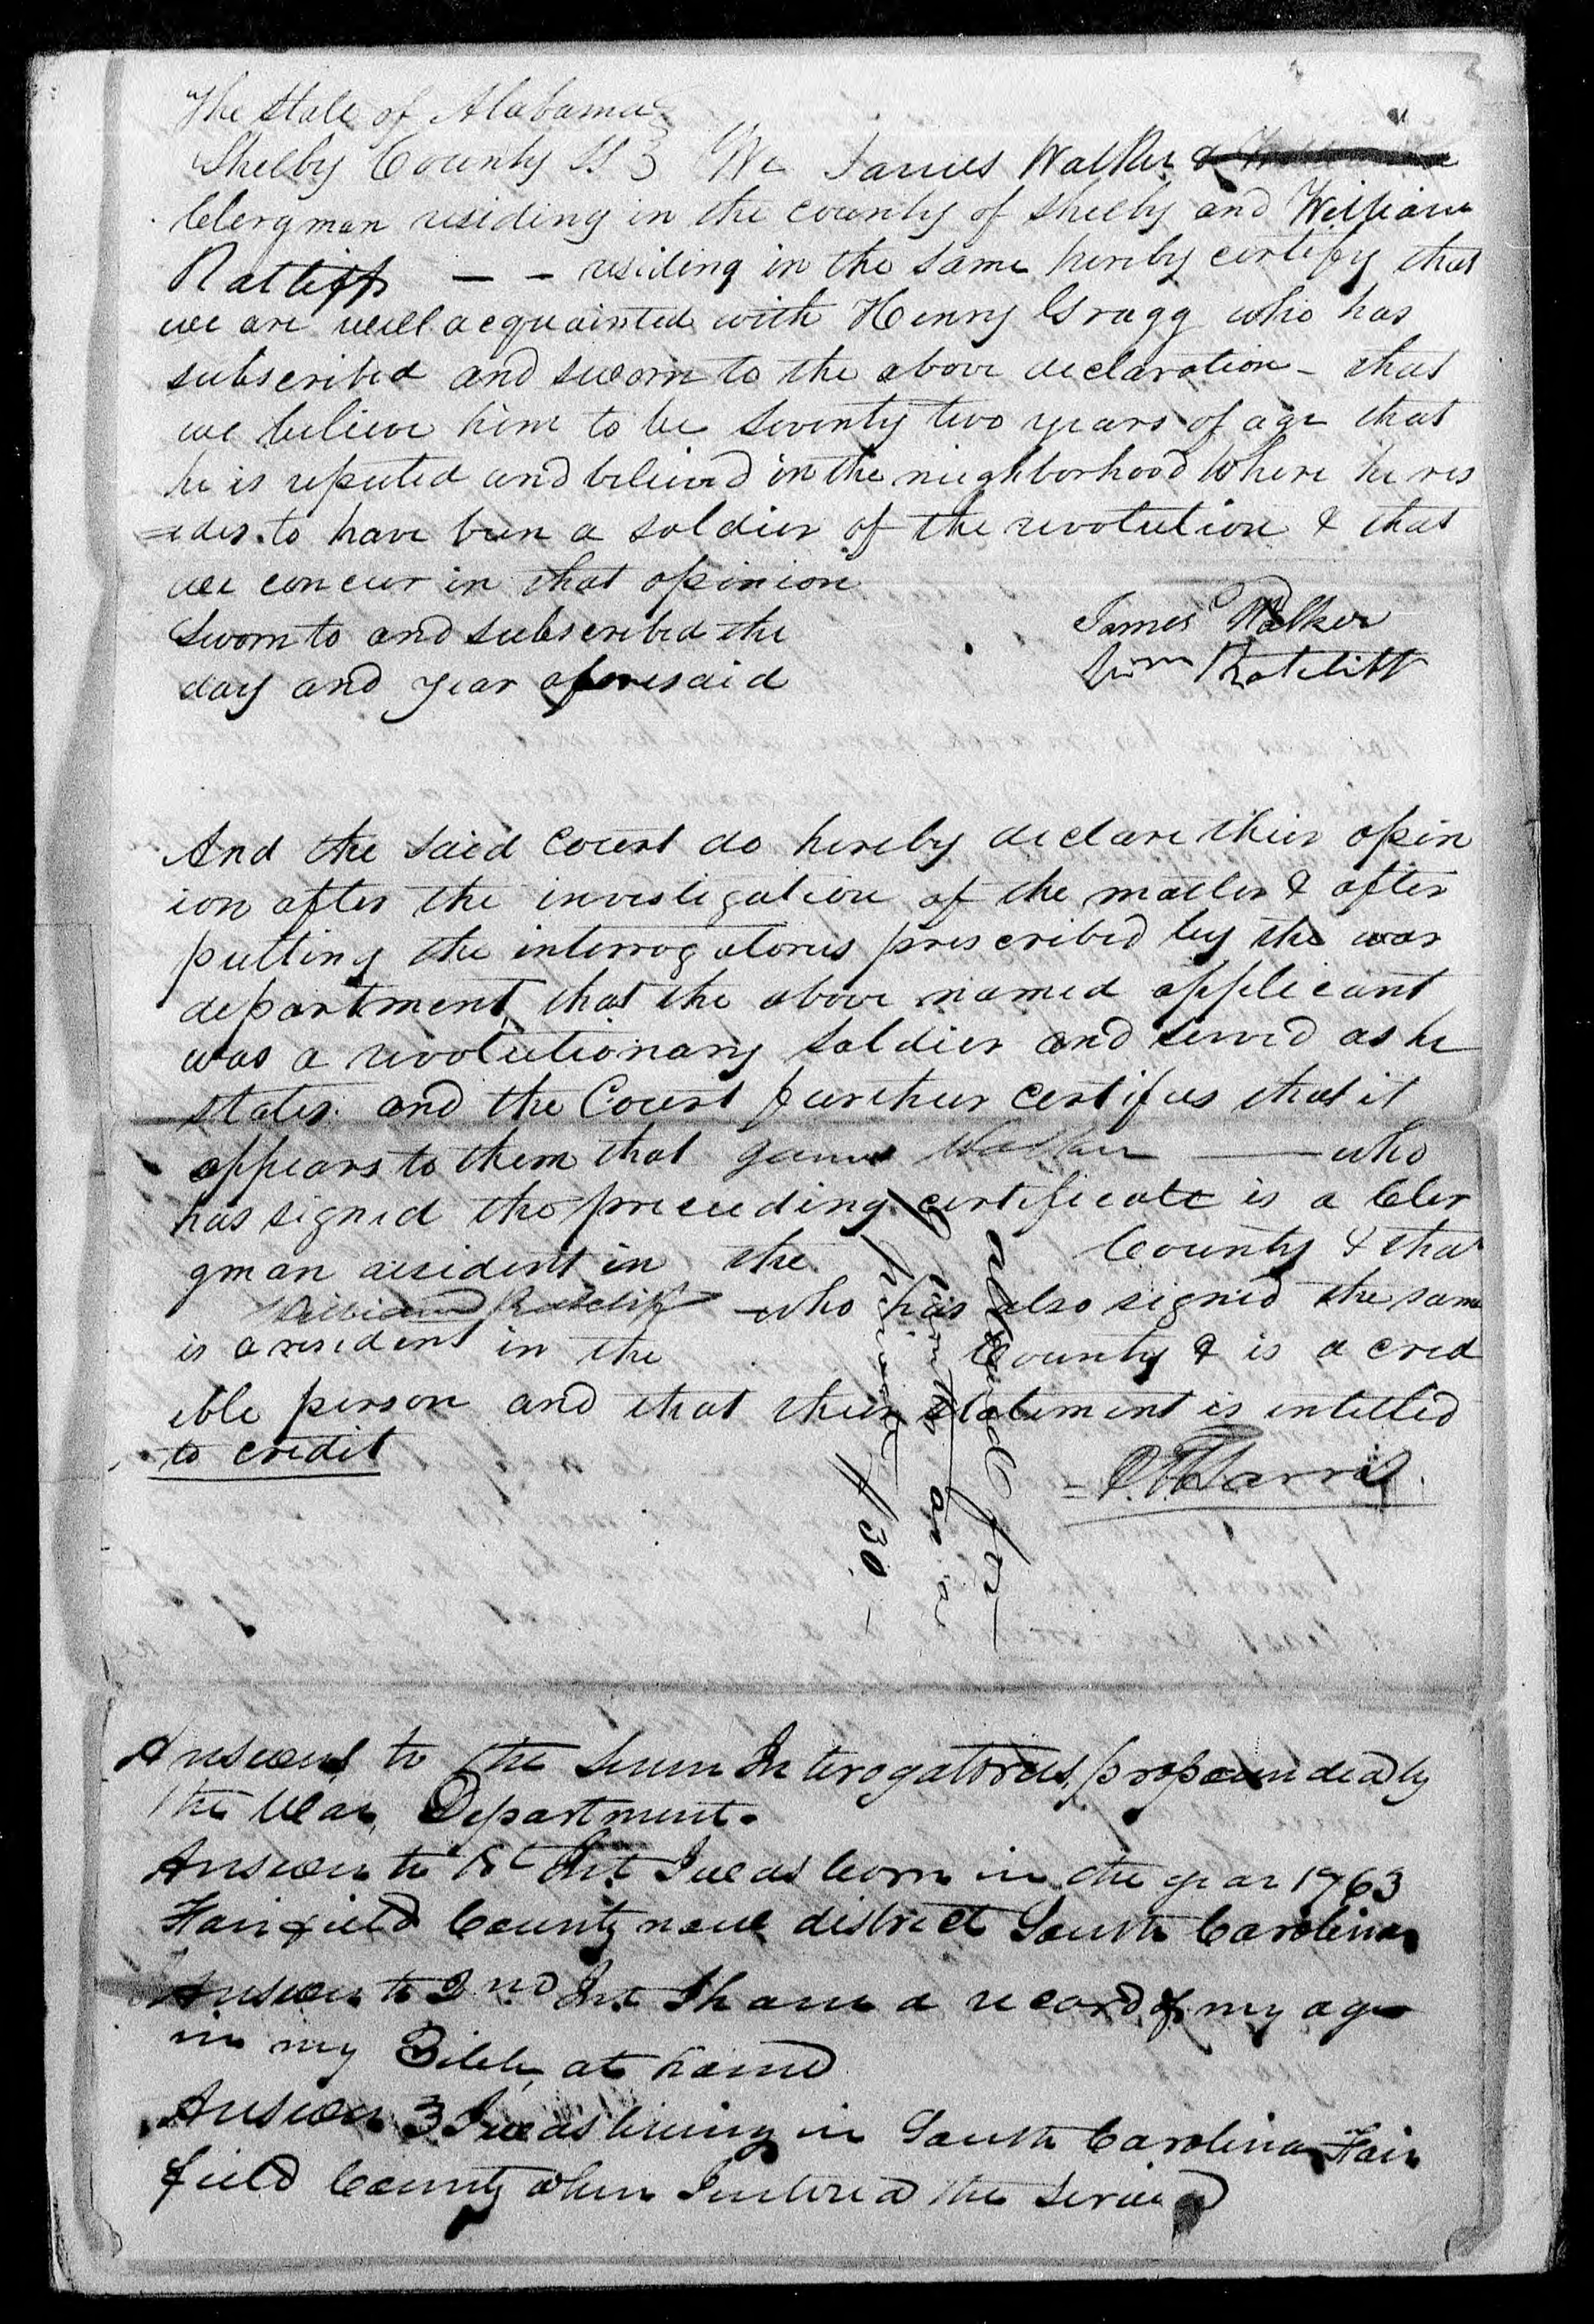[ The State  of Alabama Shelby County ] We James Walker clergyman  residing in the County of Shelby  and  William Ratliff residing in the same hereby certify that we are well acquainted with  Henry Gragg who has subscribed and sworn to the above declaration - that we believe him  to be seventy two years of age , that he is reputed and believed in the neighborhood where he resides  to have been a soldier of the revolution  & that we concur in that opinion. Sworn to and subscribed the day and year aforesaid . James Walker ( signed ) Wm Ratliff  ( signed )  And the said Court do herby declare their opinion after the investigation of the matter  & after putting the interrogatories prescribed by the war department  that the above named applicant was a soldier of the revolution and served as he states, and the Court further certifies  that  it appears to them  that James Walker who has signed the preceding  certificate is a clergyman resident in the  County & that  William Ratliff who has also signed the same is a resident in the  County  & is a credible person and that their statement is entitled to credit . P.T. Harris ( signed )  ( vertical note across text ) (  allowed  for  9 months as a private  $ 30 ) Answers to the  seven interrogatories  propounded by the War Department. Answer to 1st Int. I was born in  the year 1763  Fairfield County , now District,  South Carolina. answer to 2nd Int. I have a record of my age in my Bible at home.  Answer 3rd Int.  I was living in South Carolina  Fairfield  County  when  I entered the service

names: William Ratliff, Wm Ratcliff, Henry Gragg, James Walker, James Walker, William Radcliff, P T Harris, James Walker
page: 7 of 18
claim: survivor's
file: S. 10,773, Henry Gragg, S.C.